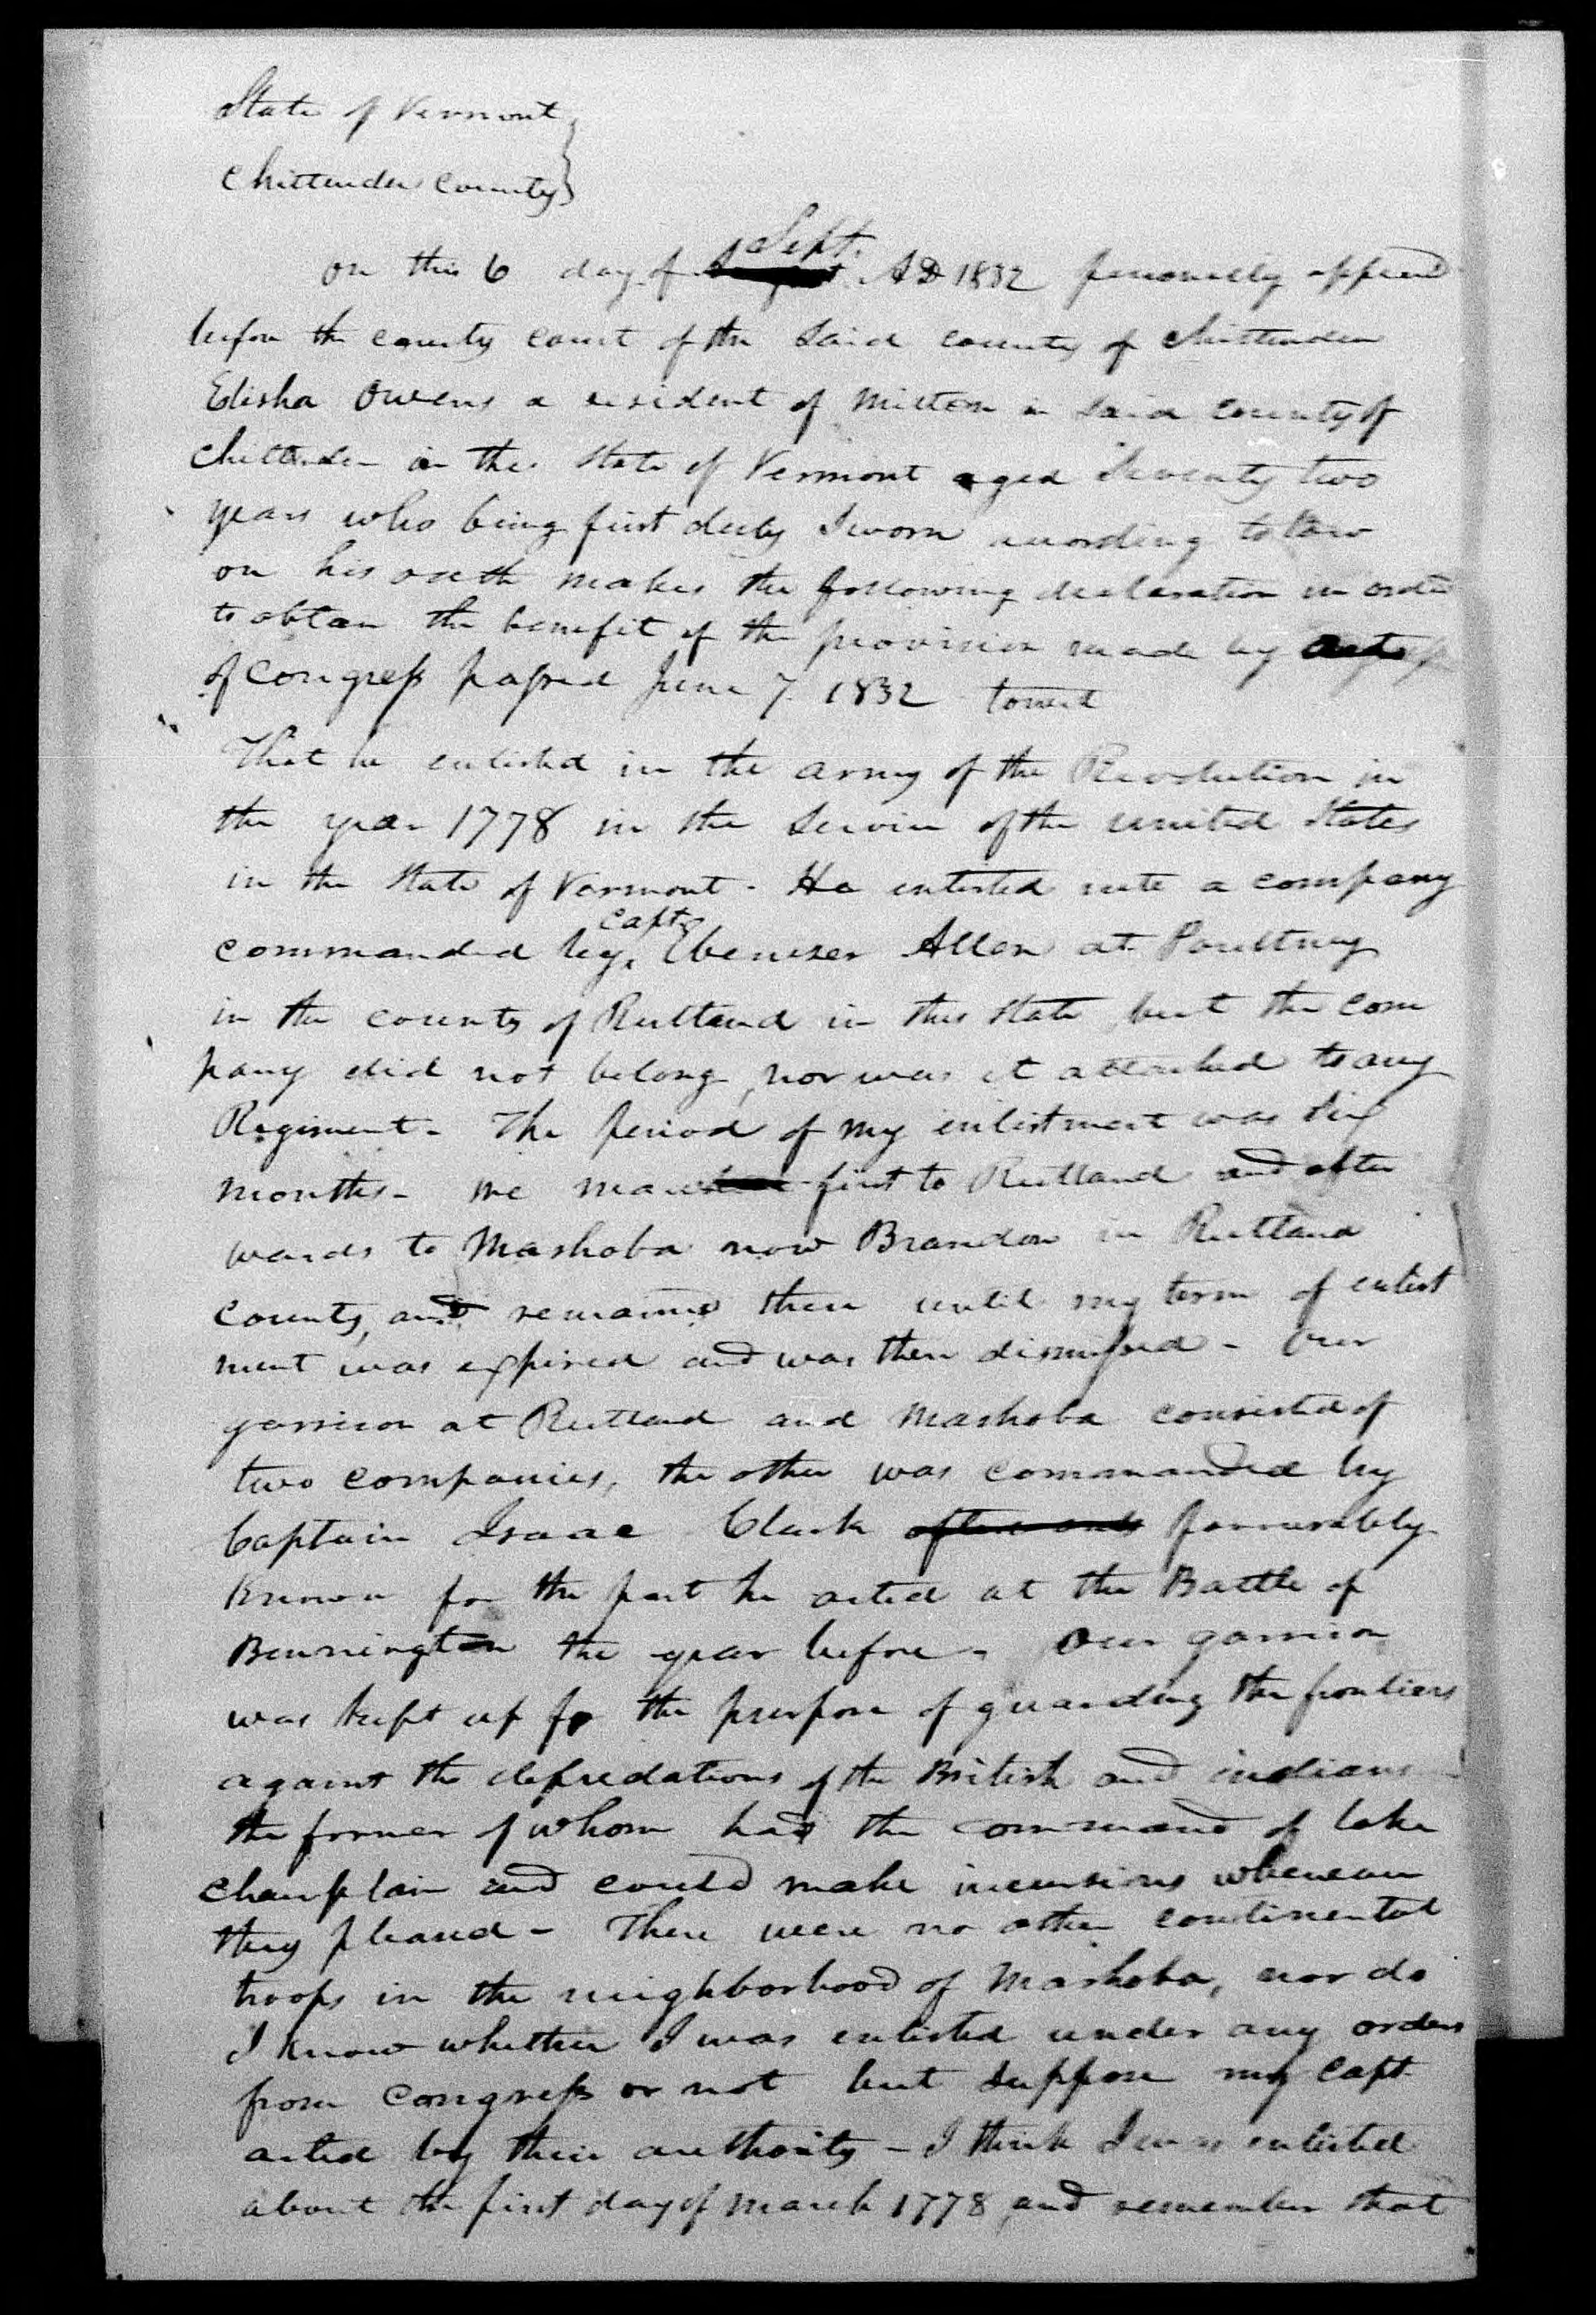State of Vermont, Chittenden County
On the 6th day of Sept AD 1832 personally appeared before the court of the said county of Chittenden Elisha Owens a resident of Milton in said county of Chittenden in the State of Vermont aged seventy-two years who being first duly sworn according to [illeg] on his oath makes the following declaration in order to obtain the benefit of the provision made by Act of Congress passed June 7, 1832. to wit:
That he enlisted in the Army of the Revolution in the year 1778 in the service of the United States in the State of Vermont. He enlisted into a company commanded by Capt Ebeneezer Allen at Poultney in the county of Rutland in this state, but the company did not belong nor was it attached to any regiment.  The period of my enlistment was six months. We marched first to Rutland and afterwards to Mashoba [Neshobe] now Brandon in Rutland County, and remained there until my term of enlistment was expired and was then dismissed.  Our garrison at Rutland and Marshoba consisted of two companies, the other was commanded by Captain Isaac Clark presumably known for the part he acted at the Battle of Bennington the year before. Our garrison was kept up for the purpose of guarding the frontiers against the depredations of the British and Indians the former whom has the command of Lake Champlain and could make incursions  where they pleased. There were no other continental troops in the neighborhood of Mashoba, nor do I know whether I was enlisted under any orders from Congress or not but suppose my Capt acted by this authority I think I was enlisted about the first day of March 1778 and remember that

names: Elisha Owens; Ebenezer Allen; Isaac Clark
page: 6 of 23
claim: survivor's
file: S 14072, for Elisha Owen, Vermont